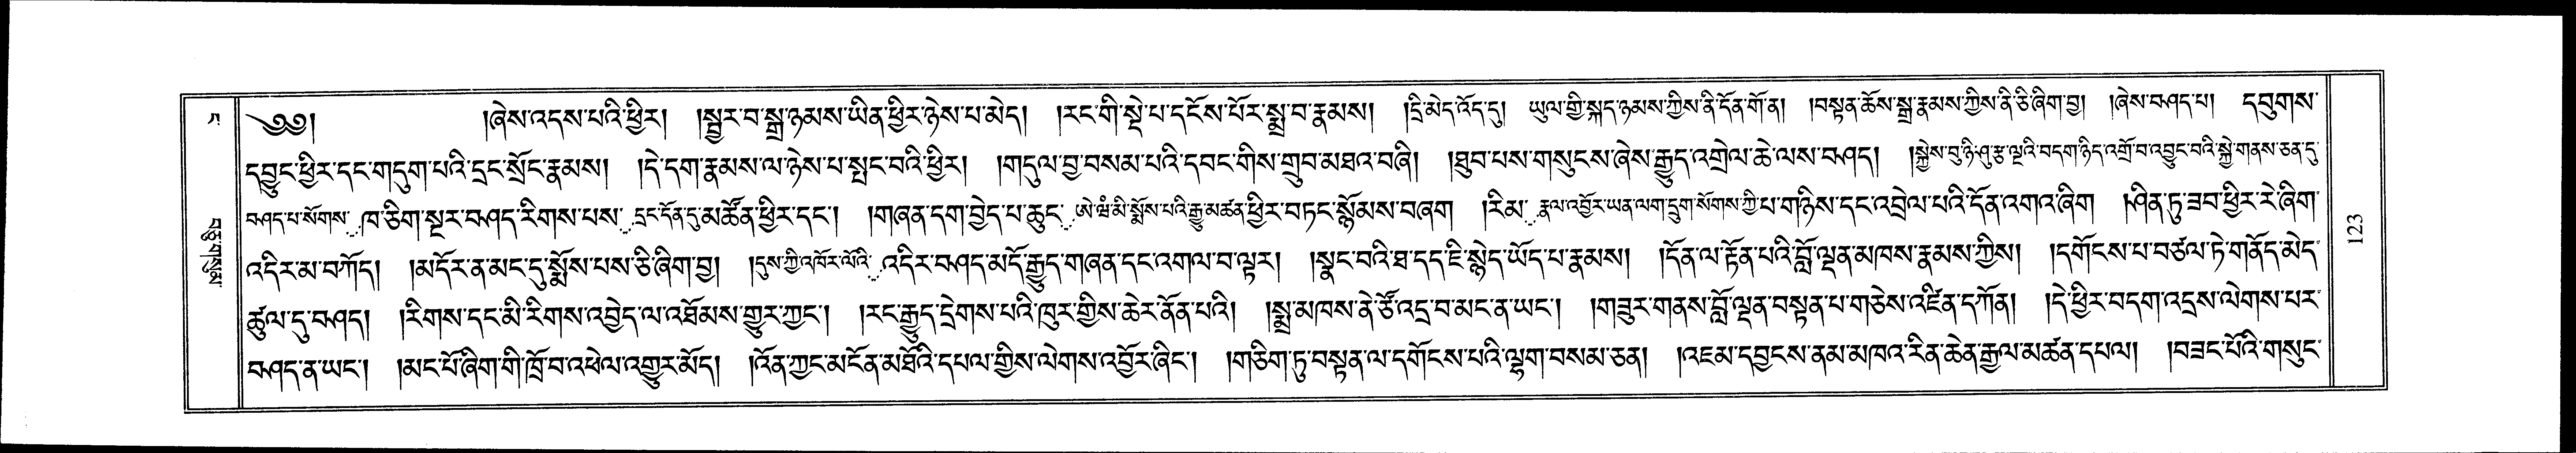༄༅། །ཞེས་འདས་པའི་ཕྱིར། །སྦྱར་བ་སྒྲ་ཉམས་ཡིན་ཕྱིར་ཉེས་པ་མེད། །རང་གི་སྡེ་པ་དངོས་པོར་སྨྲ་བ་རྣམས། །དྲི་མེད་འོད་དུ། ཡུལ་གྱི་སྐད་ཉམས་ཀྱིས་ནི་དོན་གོ་ན། །བསྟན་ཆོས་སྒྲ་རྣམས་ཀྱིས་ནི་ཅི་ཞིག་བྱ། །ཞེས་བཤད་པ། དབུགས་
དབྱུང་ཕྱིར་དང་གདུག་པའི་དྲང་སྲོང་རྣམས། །དེ་དག་རྣམས་ལ་ཉེས་པ་སྤང་པའི་ཕྱིར། །གདུལ་བྱ་བསམ་པའི་དབང་གིས་གྲུབ་མཐའ་བཞི། །ཐུབ་པས་གསུངས་ཞེས་རྒྱུད་འགྲེལ་ཆེ་ལས་བཤད། །སྐྱེས་བུ་ཉི་ཤུ་རྩ་ལྔའི་བདག་ཉིད་འགྲོ་བ་འབྱུང་བའི་སྐྱེ་གནས་ཅན་དུ་
བཤད་པ་སོགས་ཁ་ཅིག་སྔར་བཤད་རིགས་པས་དྲང་དོན་དུ་མཚོན་ཕྱིར་དང་། །གཞན་དག་བྱེད་པ་ཆུང་ཨེ་ཝཾ་མི་སྨོས་པའི་རྒྱུ་མཚན་ཕྱིར་བཏང་སྙོམས་བཞག །རིམ་རྣལ་འབྱོར་ཡན་ལག་དྲུག་སོགས་ཀྱི་པ་གཉིས་དང་འབྲེལ་པའི་དོན་འགའ་ཞིག །ཤིན་ཏུ་ཟབ་ཕྱིར་རེ་ཞིག་
འདིར་མ་བཀོད། །མདོར་ན་མང་དུ་སྨོས་པས་ཅི་ཞིག་བྱ། །དུས་ཀྱི་འཁོར་ལོའི་འདིར་བཤད་མདོ་རྒྱུད་གཞན་དང་འགལ་བ་ལྟར། །སྣང་བའི་ཐ་དད་ཇི་སྙེད་ཡོད་པ་རྣམས། །དོན་ལ་རྟོན་པའི་བློ་ལྡན་མཁས་རྣམས་ཀྱིས། །དགོངས་པ་བཙལ་ཏེ་གནོད་མེད་
ཚུལ་དུ་བཤད། །རིགས་དང་མི་རིགས་འབྱེད་ལ་འཐོམས་གྱུར་ཀྱང་། །རང་རྒྱུད་དྲེགས་པའི་ཁུར་གྱིས་ཆེར་ནོན་པའི། །སྨྲ་མཁས་ནེ་ཙོ་འདྲ་བ་མང་ན་ཡང་། །གཟུར་གནས་བློ་ལྡན་བསྟན་པ་གཅེས་འཛིན་དཀོན། །དེ་ཕྱིར་བདག་འདྲས་ལེགས་པར་
བཤད་ན་ཡང་། །མང་པོ་ཞིག་གི་ཁྲོ་བ་འཕེལ་འགྱུར་མོད། །འོན་ཀྱང་མངོན་མཐོའི་དཔལ་གྱིས་ལེགས་འབྱོར་ཞིང་། །གཅིག་ཏུ་བསྟན་ལ་དགོངས་པའི་ལྷག་བསམ་ཅན། །འཇམ་དབྱངས་ནམ་མཁའ་རིན་ཆེན་རྒྱལ་མཚན་དཔལ། །བཟང་པོའི་གསུང་